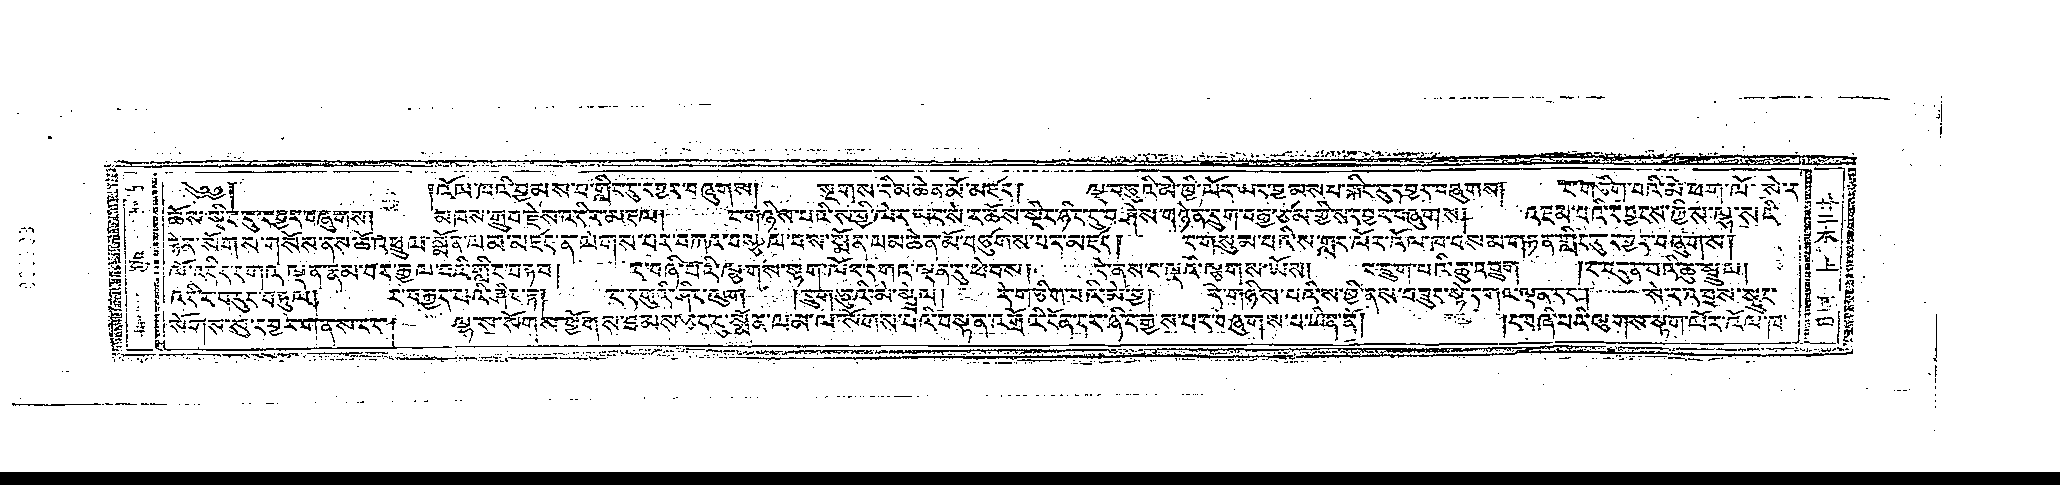༄༅། །འོལ་ཁའི་བྱམས་པ་གླིང་དུ་དབྱར་བཞུགས། སྔགས་རིམ་ཆེན་མོ་མཇོད། ལྔ་བཅུའི་མེ་ཁྱི་ལོར་ཡང་བྱམས་པ་གླིང་དུ་དབྱར་བཞུགས། ང་གཅིག་པའི་མེ་ཕག་ལོ་སེར་
ཆོས་སྡིང་དུ་དབྱར་བཞུགས། མཁས་གྲུབ་རྗེས་འདིར་མར་ལ། ང་གཉིས་པའི་ས་བྱི་ལོར་ཡང་སེར་ཆོས་སྡིད་ཉིད་དུ་བཤེས་གཉེན་དྲུག་བརྒྱ་ཙམ་གྱིས་དབྱར་བཞུགས། འཇམ་པའི་དབྱངས་ཀྱིས་ལྷ་སའི་
རྟེན་སོགས་གསོས་ནས་ཆོ་འཕྲུལ་སྨོན་ལམ་མཛད་ན་ལེགས་པར་བཀའ་བསྩལ་བས་སྨོན་ལམ་ཆེན་མོ་བཙུགས་པར་མཛད། ང་གསུམ་པའི་ས་གླང་ལོར་འོལ་ཁ་བསམ་གཏན་གླིང་དུ་དབྱར་བཞུགས།
ལོ་འདིར་དགའ་ལྡན་རྣམ་བར་རྒྱལ་པའི་གླིང་བཏབ། ང་བཞི་པའི་ལྟགས་སྟག་ལོར་དགའ་ལྡན་དུ་ཕེབས། དེ་ནས་ང་ལྔའི་ལྕགས་ཡོས། ང་དྲུག་པའི་ཆུ་འབྲུག །ང་བདུན་པའི་ཆུ་སྤྲུལ།
འདིར་བདུང་བཏུལ། ང་བརྒྱད་པའི་ཤིང་རྟ། ད་དགུའི་ཤིང་ལུག །དྲུག་ཅུའི་མེ་སྤྲེལ། རེ་གཅིག་པའི་མེ་བྱ། རེ་གཉིས་པའི་ས་ཁྱི་ནས་བཟུང་སྟེ་དགའ་ལྡན་དང་། སེ་ར་འབྲས་སྦུད་
སོགས་བུ་དབྱར་གནས་དང་། ལྷ་ས་སོགས་ཕྱོགས་ཐམས་ཅད་དུ་སྨོན་ལམ་ལ་སོགས་པའི་བསྟན་འགྲོའི་དོན་རང་ཞིང་རྒྱས་པར་བཞུགས་པ་ཡིན་ནོ། །ང་བཞི་པའི་ལྕགས་སྟག་ལོར་འོལ་ཁ་